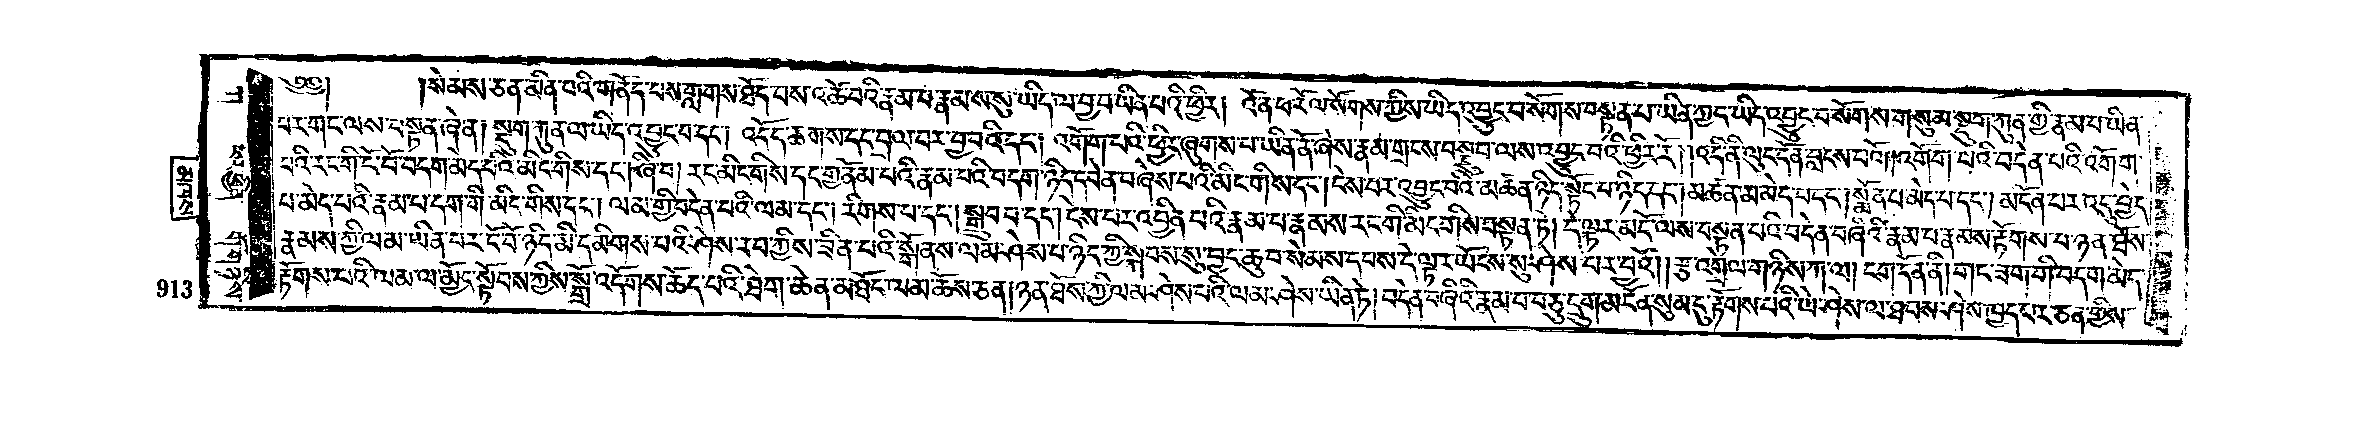༄༅། །སེམས་ཅན་མིན་པའི་གནོད་པས་གླགས་ཐོད་པས་འཚེ་བའི་རྣམ་པ་རྣམས་སུ་ཡིད་ལ་བྱ་བ་ཡིན་པའི་ཕྱིར། འོ་ན་ཕ་རོལ་སོགས་ཀྱིས་ཡིད་འབྱུང་བ་སོགས་བསྟན་པ་ཡིན་ཀྱང་ཡིད་འབྱུང་བ་སོགས་གསུམ་སྡུག་ཀུན་གྱི་རྣམ་པ་ཡིན་
པར་གང་ལས་བསྟན་ཞེ་ན། སྡུག་ཀུན་ལ་ཡིད་འབྱུང་བ་དང་། འདོད་ཆགས་དང་བྲལ་བར་བྱ་བའི་དང་། འགོག་པའི་ཕྱིར་ཞུགས་པ་ཡིན་ནོ་ཞེས་རྣམ་གྲངས་བསྡུ་བ་ལས་འབྱུང་བའི་ཕྱིར་རོ། །འདི་ནི་ལུང་དོན་བླངས་བའོ། །འགོག་པའི་བདེན་པའི་འགོག་
པའི་རང་གི་ངོ་བོ་བདག་མེད་པའི་མིང་གིས་དང་། ཞི་བ། རང་མིང་གིས་དང་གྱ་ནོམ་པའི་རྣམ་པའི་བདག་ཉིད་དབེན་པ་ཞེས་པའི་མིང་གིས་དང་། ངེས་པར་འབྱུང་བའི་མཚན་ཉིད་སྟོང་བ་ཉིད་དང་། མཚན་མ་མེད་པ་དང་། སྨོན་པ་མེད་པ་དང་། མངོན་པར་འདུ་བྱེད་
པ་མེད་པའི་རྣམ་པ་དག་གི་མིང་གིས་དང་། ལམ་གྱི་བདེན་པའི་ལམ་དང་། རིགས་པ་དང་། སྒྲུབ་པ་དང་། ངེས་པར་འབྱིན་པའི་རྣམ་པ་རྣམས་རང་གི་མིང་གིས་བསྟན་ཏེ། དེ་ལྟར་མདོ་ལས་བསྟན་པའི་བདེན་བཞིའི་རྣམ་པ་རྣམས་རྟོགས་པ་ཉན་ཐོས་
རྣམས་ཀྱི་ལམ་ཡིན་པར་ངོ་བོ་ཉིད་མི་དམིགས་པའི་ཤེས་རབ་ཀྱིས་ཟིན་པའི་སྒོ་ནས་ལམ་ཤེས་པ་ཉིད་ཀྱི་སྐབས་སུ་བྱང་ཆུབ་སེམས་དཔས་དེ་ལྟར་ཡོངས་སུ་ཤེས་པར་བྱའོ། །རྩ་འགྲེལ་གཉིས་ཀ་ལ། ངག་དོན་ནི། གང་ཟག་གི་བདག་མེད་
རྟོགས་པའི་ལམ་ལ་མྱོང་སྟོབས་ཀྱིས་སྒྲོ་འདོགས་ཆོད་པའི་ཐེག་ཆེན་མཐོང་ལམ་ཆོས་ཅན། ཉན་ཐོས་ཀྱི་ལམ་ཤེས་པའི་ལམ་ཤེས་ཡིན་ཏེ། བདེན་བཞིའི་རྣམ་པ་བཅུ་དྲུག་མངོན་སུམ་དུ་རྟོགས་པའི་ཡེ་ཤེས་ལ་ཐབས་ཤེས་ཁྱད་པར་ཅན་གྱིས་